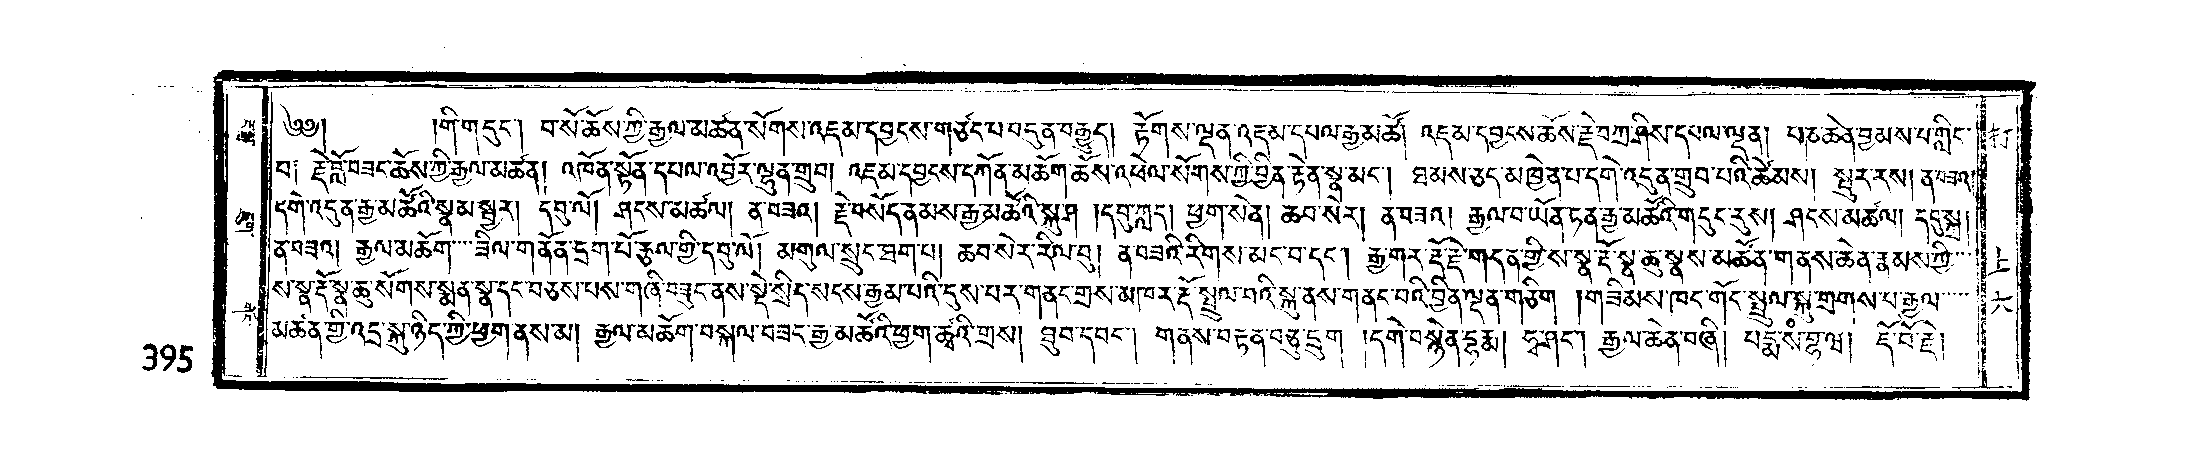༄༅། །གི་གདུང་། བ་སོ་ཆོས་ཀྱི་རྒྱལ་མཚན་སོགས་འཇམ་དབྱངས་གཙང་པ་བདུན་བརྒྱུད། རྟོགས་ལྡན་འཇམ་དཔལ་རྒྱ་མཚོ། འཇམ་དབྱངས་ཆོས་རྗེ་བཀྲ་ཤིས་དཔལ་ལྡན། པཎ་ཆེན་བྱམས་པ་གླིང་
པ། རྗེ་བློ་བཟང་ཆོས་ཀྱི་རྒྱལ་མཚན། འཁོན་སྟོན་དཔལ་འབྱོར་ལྷུན་གྲུབ། འཇམ་དབྱངས་དཀོན་མཆོག་ཆོས་འཕེལ་སོགས་ཀྱི་བྱིན་རྟེན་སྣ་མང་། ཐམས་ཅད་མཁྱེན་པ་དགེ་འདུན་གྲུབ་པའི་ཚེམས། སྦུར་རས། ན་བཟའ་
དགེ་འདུན་རྒྱ་མཚོའི་སྣམ་སྦྱར། དབུ་ལོ། ཤངས་མཚལ། ན་བཟའ། རྗེ་བསོད་ནམས་རྒྱ་མཚོའི་སྐུ་ཤ་།དབུ་ཀླད། ཕྱག་སེན། ཆབ་སེར། ན་བཟའ། རྒྱལ་བ་ཡོན་ཏན་རྒྱ་མཚོའི་གདུང་རུས། ཤངས་མཚལ། དབུ་སྐྲ།
ན་བཟའ། རྒྱལ་མཆོག་ཟིལ་གནོན་དྲག་པོ་རྩལ་གྱི་དབུ་ལོ། མགུལ་སྲུང་ཐག་པ། ཆབ་སེར་རིལ་བུ། ན་བཟའི་རིགས་མང་བ་དང་། རྒྱ་གར་རྡོ་རྗེ་གདན་གྱི་ས་སྣ་རྡོ་སྣ་ཆུ་སྣས་མཚོན་གནས་ཆེན་རྣམས་ཀྱི་
ས་སྣ་རྡོ་སྣ་ཆུ་སོགས་སྨན་སྣ་དང་བཅས་པས་གཞི་བཟུང་ནས་སྡེ་སྲིད་སངས་རྒྱམ་པའི་དུས་པར་གནང་གྲས་མཁར་རྡོ་སྤྲུལ་བའི་སྐུ་ནས་གནང་བའི་བྱིན་ལྡན་གཅིག །གཟིམས་ཁང་གོང་སྤྲུལ་སྐུ་གྲགས་པ་རྒྱལ་
མཚན་གྱི་འདྲ་སྐུ་ཉིད་ཀྱི་ཕྱག་ནས་མ། རྒྱལ་མཆོག་བསྐལ་བཟང་རྒྱ་མཚོའི་ཕྱག་ཚྭའི་གྲས། ཐུབ་དབང་། གནས་བརྟན་བཅུ་དྲུག །དགེ་བསྙེན་དྷརྨ། ཧྭ་ཤང་། རྒྱལ་ཆེན་བཞི། པདམ་སཾ་བྷ་ཝ། ཇོ་བོ་རྗེ།